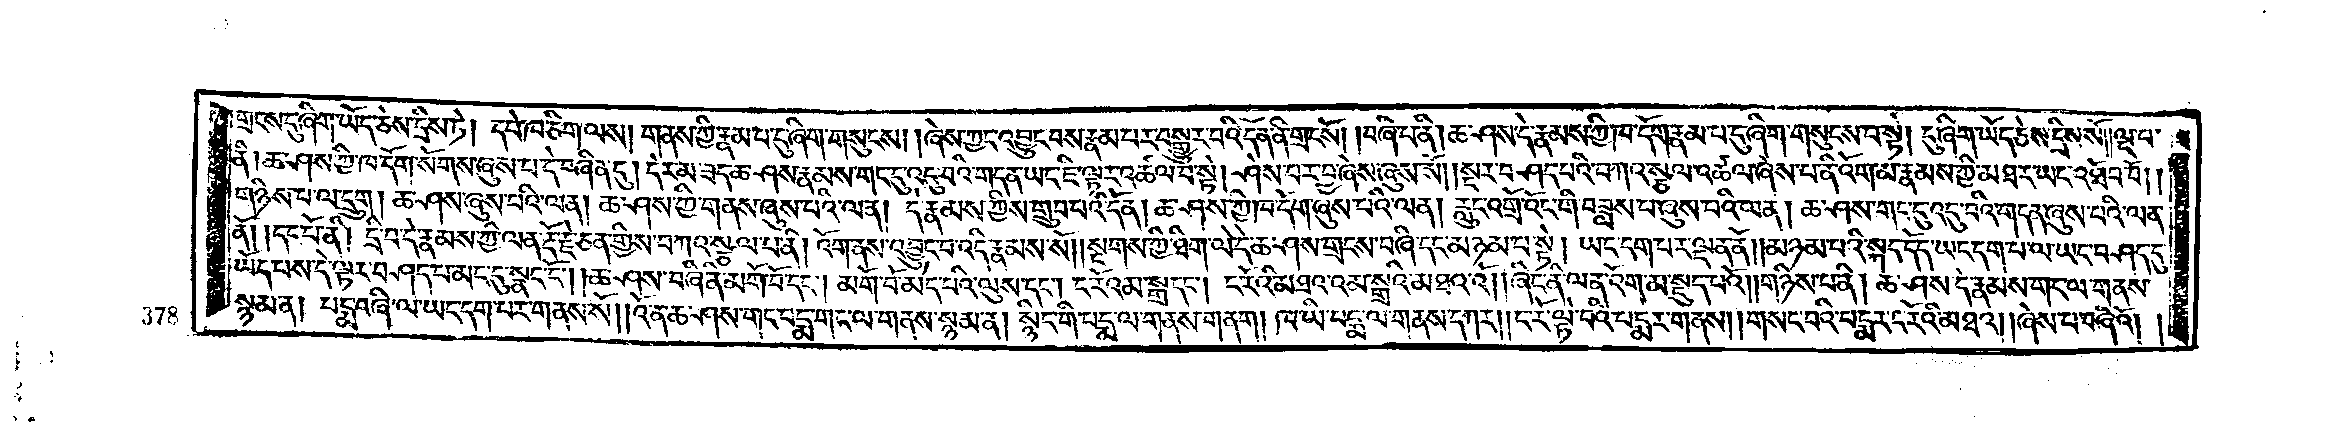གྲངས་དུ་ཞིག་ཡོད་ཅེས་དྲིས་ཏེ། དཔེ་ཁ་ཅིག་ལས། གནས་ཀྱི་རྣམ་པ་དུ་ཞིག་གསུངས། །ཞེས་ཀྱང་འབྱུང་བས་རྣམ་པར་བསྒྱུར་བའི་དོན་ནི་གྲངས་སོ། །བཞི་པ་ནི། ཆ་ཤས་དེ་རྣམས་ཀྱི་ཁ་དོག་རྣམ་པ་དུ་ཞིག་གསུངས་པ་སྟེ། དུ་ཞིག་ཡོད་ཅེས་དྲིས་སོ། །ལྔ་པ་
ནི། ཆ་ཤས་ཀྱི་ཁ་དོག་སོགས་ཞུས་པ་དེ་བཞིན་དུ་དེར་མ་ཟད་ཆ་ཤས་རྣམས་གང་དུ་འདུ་བའི་གདན་ཡང་ཇི་ལྟར་འཚལ་བ་སྟེ། ཤེས་པར་བྱ་ཞེས་ཞུས་སོ། །སྔར་བཤད་པའི་བཀའ་སྩལ་འཚལ་ཞེས་པ་ནི་འོག་མ་རྣམས་ཀྱི་མཐར་ཡང་འཐོབ་བོ། །
གཉིས་པ་ལ་དྲུག །ཆ་ཤས་ཞུས་པའི་ལན། ཆ་ཤས་ཀྱི་གནས་ཞུས་པའི་ལན། དེ་རྣམས་ཀྱིས་གྲུབ་པའི་དོན། ཆ་ཤས་ཀྱི་ཁ་དོག་ཞུས་པའི་ལན། རླུང་འགྲོ་འོང་གི་བཟླས་པ་ཞུས་པའི་ལན། ཆ་ཤས་གང་དུ་འདུ་བའི་གདན་ཞུས་པའི་ལན་
ནོ། །དང་པོ་ནི། དྲི་བ་དེ་རྣམས་ཀྱི་ལན་རྡོ་རྗེ་ཅན་གྱིས་བཀའ་སྩལ་པ་ནི། འོག་ནས་འབྱུང་བ་འདི་རྣམས་སོ། །སྔགས་ཀྱི་ཐིག་ལེ་དེ་ཆ་ཤས་གྲངས་བཞི་དང་མཉམ་པ་སྟེ། ཡང་དག་པར་ལྡན་ནོ། །མཉམ་པའི་སྐད་དོད་ཡང་དག་པ་ལ་ཡང་བཤད་དུ་
ཡོད་པས་དེ་ལྟར་བཤད་པ་མང་དུ་སྣང་ངོ། །ཆ་ཤས་བཞི་ནི་མགོ་བོ་དང་། མགོ་བོ་མེད་པའི་ལུས་དང་། ང་རོའམ་སྒྲ་དང་། ང་རོའི་མཐའ་འམ་སྒྲའི་མཐའ་འོ། །ཞིང་ནི་ལན་འོག་མ་སྡུད་པའོ། །གཉིས་པ་ནི། ཆ་ཤས་དེ་རྣམས་གང་ལ་གནས་
སྙམ་ན། པདམ་བཞི་ལ་ཡང་དག་པར་གནས་སོ། །འོ་ན་ཆ་ཤས་གང་པདམ་གང་ལ་གནས་སྙམ་ན། སྙིང་གི་པདམ་ལ་གནས་གནག །ཁ་ཡི་པདམ་ལ་གནས་དཀར། །ང་རོ་ལྟེ་བའི་པདམར་གནས། །གསང་བའི་པདམར་ང་རོའི་མཐའ། །ཞེས་པ་བཞིའོ། །